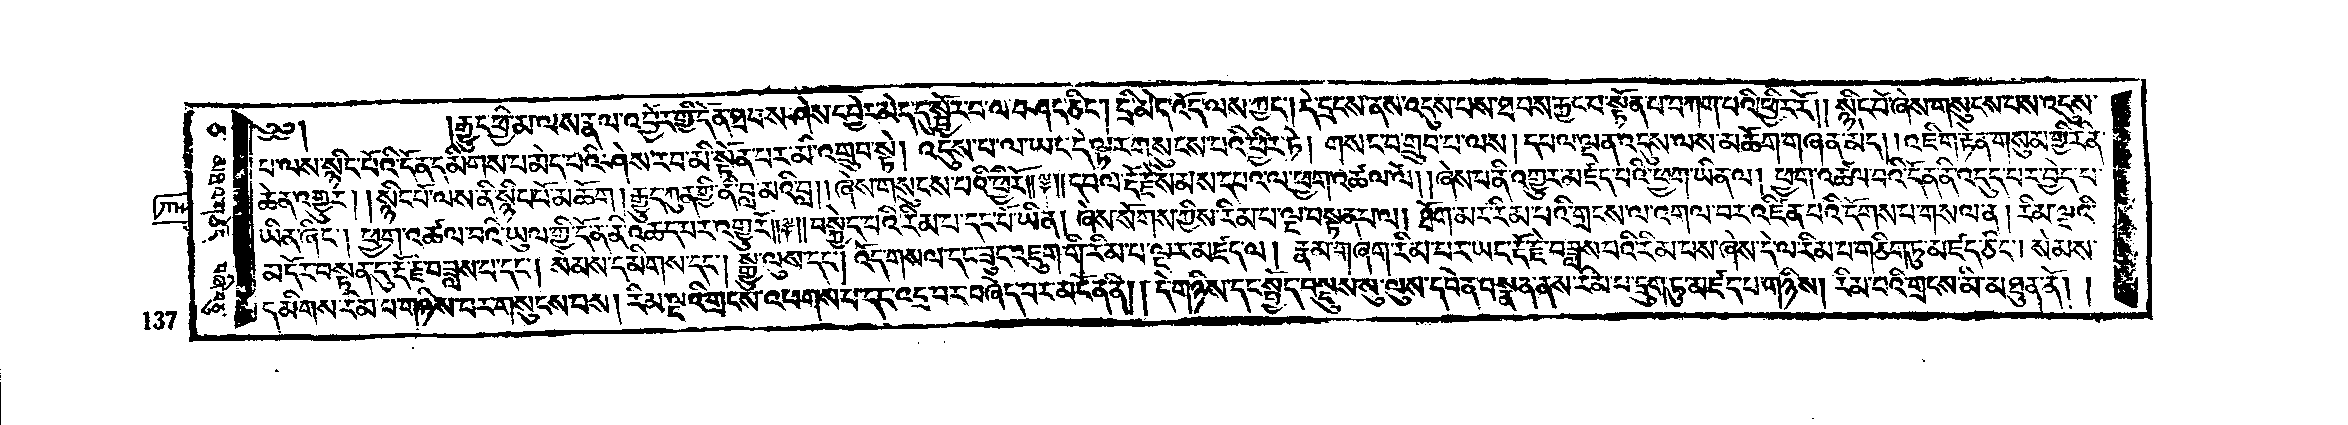༄༅། །རྒྱུད་ཕྱི་མ་ལས་རྣལ་འབྱོར་གྱི་དོན་ཐབས་ཤེས་དབྱེར་མེད་དུ་སྦྱོར་བ་ལ་བཤད་ཅིང་། དྲི་མེད་འོད་ལས་ཀྱང་། དེ་དྲངས་ནས་འདུས་པས་ཐབས་རྐྱང་པ་སྟོན་པ་བཀག་པའི་ཕྱིར་རོ། །སྙིང་པོ་ཞེས་གསུངས་པས་འདུས་
པ་ལས་སྙིང་པོའི་དོན་དམིགས་པ་མེད་པའི་ཤེས་རབ་མི་སྟོན་པར་མི་འགྲུབ་སྟེ། འདུས་པ་ལ་ཡང་དེ་ལྟར་གསུངས་པའི་ཕྱིར་ཏེ། གསང་བ་གྲུབ་པ་ལས། དཔལ་ལྡན་འདུས་ལས་མཆོག་གཞན་མེད། །འཇིག་རྟེན་གསུམ་གྱི་རིན་
ཆེན་འགྱུར། །སྙིང་པོ་ལས་ནི་སྙིང་པོ་མཆོག །རྒྱུད་ཀུན་གྱི་ནི་བླ་མའི་བླ། །ཞེས་གསུངས་པའི་ཕྱིར་རོ།། ༈ །།དཔལ་རྡོ་རྗེ་སེམས་དཔའ་ལ་ཕྱག་འཚལ་ལོ། །ཞེས་པ་ནི་འགྱུར་མཛད་པའི་ཕྱག་ཡིན་ལ། ཕྱག་འཚལ་བའི་དོན་ནི་འདུད་པར་བྱེད་པ་
ཡིན་ཞིང་། ཕྱག་འཚལ་བའི་ཡུལ་གྱི་དོན་ནི་འཆད་པར་འགྱུར་རོ།། ༈ །།བསྐྱེད་པའི་རིམ་པ་དང་པོ་ཡིན། ཞེས་སོགས་ཀྱིས་རིམ་པ་ལྔ་བསྟན་པ་ལ། ཐོག་མར་རིམ་པའི་གྲངས་ལ་འགལ་བར་འཛིན་པའི་དོགས་པ་གསལ་ན། རིམ་ལྔའི་
མདོར་བསྟན་དུ་རྡོ་རྗེ་བཟླས་པ་དང་། སེམས་དམིགས་དང་། སྒྱུ་ལུས་དང་། འོད་གསལ་དང་ཟུང་འཇུག་གི་རིམ་པ་ལྔར་མཛད་ལ། རྣམ་གཞག་རིམ་པར་ཡང་རྡོ་རྗེ་བཟླས་པའི་རིམ་པས་ཞེས་དེ་ལ་རིམ་པ་གཅིག་ཏུ་མཛད་ཅིང་། སེམས་
དམིགས་རིམ་པ་གཉིས་པར་གསུངས་པས། རིམ་ལྔའི་གྲངས་འཕགས་པ་དང་འདྲ་བར་བཞེད་པར་མངོན་ནོ། །དེ་གཉིས་དང་སྤྱོད་བསྡུས་སུ་ལུས་དབེན་བསྣན་ནས་རིམ་པ་དྲུག་ཏུ་མཛད་པ་གཉིས། རིམ་པའི་གྲངས་མི་མཐུན་ནོ། །